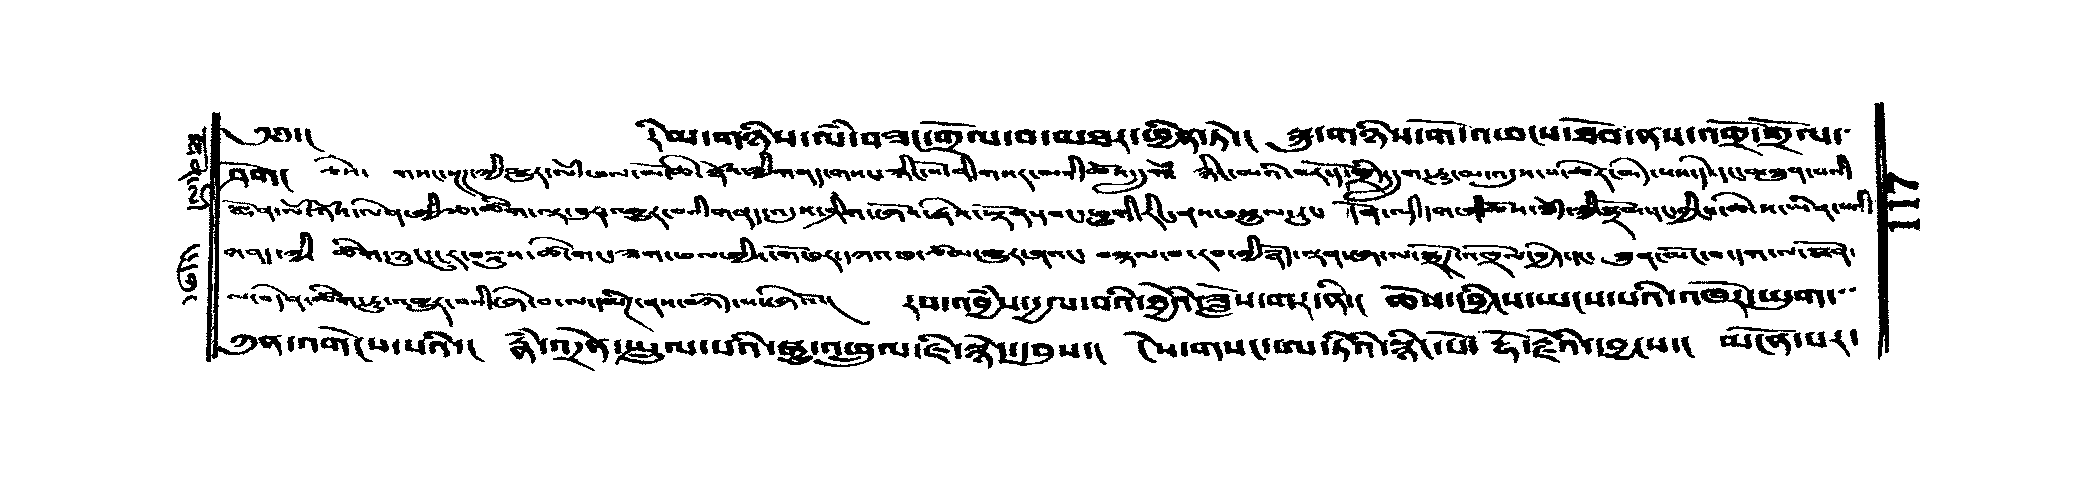།རིམ་གཉིས་ལམ་བཟང་གྲོལ་བ་མཐར་ཕྱིན་ཏེ། །སྐུ་གཉིས་གོ་འཕང་ཐོབ་ནས་འགྲོ་གྲོལ་
ཤོག། ཅེས་གསང་སྔགས་ཀྱི་མྱུར་ལམ་ཕལ་མོ་ཆེ་རྣམས་ཀྱི་གནད་གསང་སྙིང་པོ་ནི་གསར་མའི་ཆོས་དྲུག་གམ། རྙིང་མའི་བར་དོ་ཁྲིད་དྲུག་ཏུ་མ་འདུས་པ་ཆེར་མེད་པས་དེ་དང་མཐུན་པའི་
སྨོན་ལམ་ཉམས་ལེན་གྱི་རྩ་ཚིག་ལྟ་བུར་འགྱུར་བའི་གནད་འདུས་ཤིག་དགོས་ཞེས་ཡོན་ཏན་དབང་ཕྱུག་གི་རིང་ནས་བསྐུལ་རུང་། དོན་འདི་དག་གི་ཆོས་ཐམས་ཅད་ཀྱི་སྒྲོམ་དང་བྱིངས་ཆེ་བ་ཡིན་པའི་
གནད་ཀྱི། ཚིག་ཉུང་ངུར་བསྡུས་ཚེ་གང་ཟག་ཕལ་གྱིས་གོ་བར་དཀའ་བ་ཙམ་དུ་གྱུར་ནའང་། བསྐལ་བ་རབ་ཀྱི་སྣོད་ལྡན་དག་ལ་སྒྲོགས་འཕྲོལ་བྱེད་དང་། ཐུན་མོང་བ་དག་ལ་སྨོན་
ལམ་བདེན་ཚིག་ཏུ་འགྱུར་བའི་དགེ་བ་ལ་དམིགས་ནས་བཀོད་པ་དགེའོ།། རབ་འབྱམས་རྒྱལ་བའི་ཐུགས་རྗེའི་ཟློས་གར་ནི། །ཆོས་དབྱིངས་ཡངས་པའི་འཁོར་ཡུག་
ཀུན་འགེངས་པའི། །རྣམ་འདྲེན་སྤྲུལ་པའི་སྒྱུ་འཕྲུལ་ཇི་སྙེད་དབུས། །ངེས་གསང་ཨ་ཏིའི་སྙིང་པོ་རྡོ་རྗེའི་དབྱངས། །མངོན་པར་